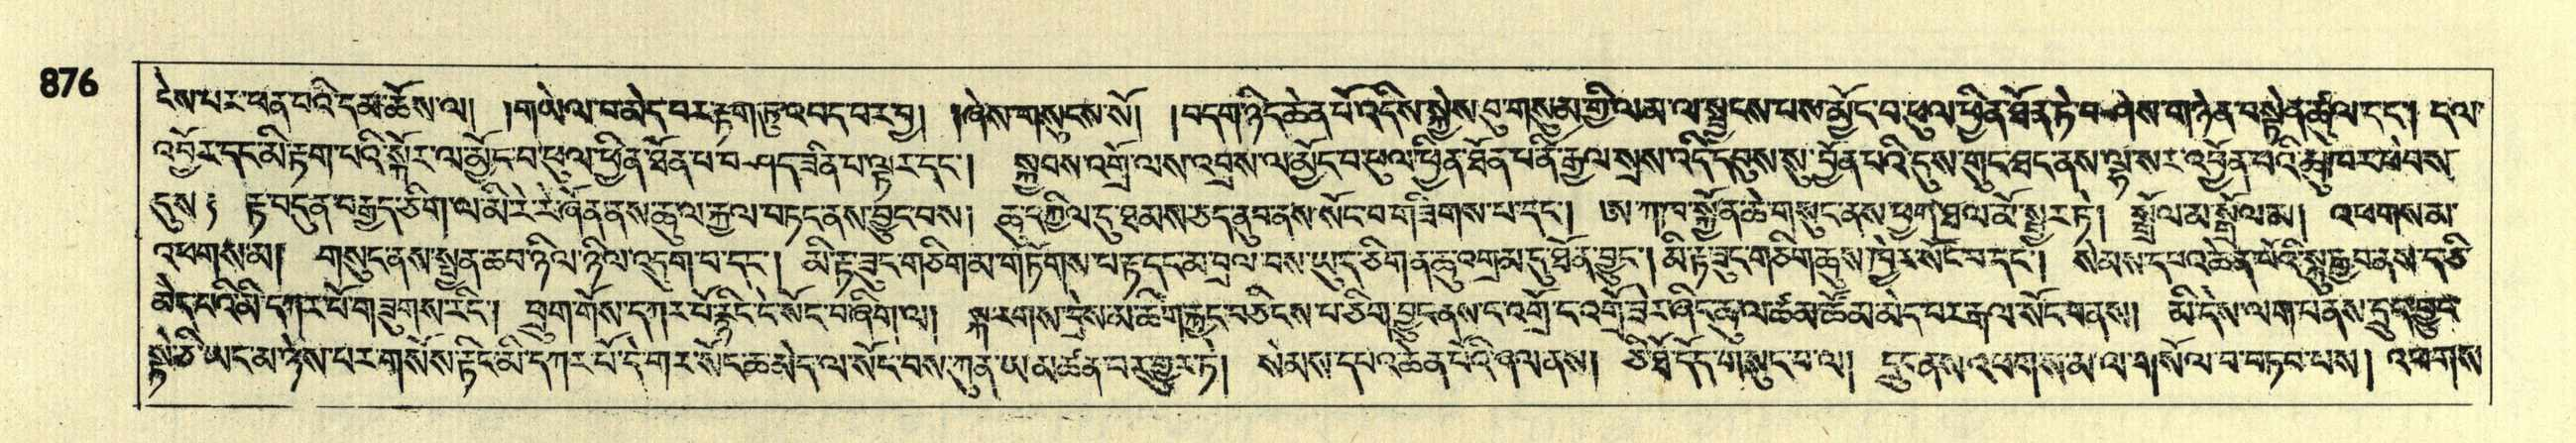ངེས་པར་ཕན་པའི་དམ་ཆོས་ལ། །གཡེལ་པ་མེད་པར་རྟག་ཏུ་འབད་པར་བྱ། །ཞེས་གསུངས་སོ། །བདག་ཉིད་ཆེན་པོ་འདིས་སྐྱེས་བུ་གསུམ་གྱི་ལམ་ལ་སྦྱངས་པས་མྱོང་བ་ཕུལ་ཕྱིན་ཐོན་ཏེ་བཤེས་གཉེན་བསྟེན་ཚུལ་དང་། དལ་
འབྱོར་དང་མི་རྟག་པའི་སྐོར་ལ་མྱོང་བ་ཕུལ་ཕྱིན་ཐོན་པ་བཤད་ཟིན་པ་ལྟར་དང་། སྐྱབས་འགྲོ་ལས་འབྲས་ལ་མྱོང་བ་ཕུལ་ཕྱིན་ཐོན་པ་ནི་རྒྱལ་སྲས་འདི་དབུས་སུ་བྱོན་པའི་དུས་གུང་ཐང་ནས་ལྷ་སར་འབྱོན་པའི་ཆུ་ཁར་ཕེབས་
དུས༑ རྟ་བདུན་བརྒྱད་ཅིག་ལ་མི་རེ་རེ་ཞོན་ནས་ཆུ་ལ་རྐྱལ་བཏང་ནས་བྱུང་བས། ཆུ་དཀྱིལ་དུ་ཐམས་ཅད་ནུབ་ནས་སོང་བ་གཟིགས་པ་དང་། ཨ་ཀ་ཁ་སྐྱོན་ཆེ་གསུང་ནས་ཕྱག་ཐལ་མོ་སྦྱར་ཏེ། སྒྲོལ་མ་སྒྲོལ་མ། འཕགས་མ་
འཕགས་མ། གསུང་ནས་སྤྱན་ཆབ་ཉིལ་ཉིལ་འདུག་པ་དང་། མི་རྟ་ཟུང་གཅིག་མ་གཏོགས་པ་རྟ་དང་མ་བྲལ་བས་ཡུད་ཅིག་ན་ཆུ་འགྲམ་དུ་ཐོན་བྱུང་། མི་རྟ་ཟུང་གཅིག་ཆུས་ཁྱེར་སོང་བ་དང་། སེམས་དཔའ་ཆེན་པོའི་སྐུ་རྒྱབ་ནས་ད་ཅི་
མེད་པའི་མི་དཀར་པོ་གཟུགས་རིང་། ཕྲུག་གོས་དཀར་པོ་རྙིང་ངེ་སོང་བ་ཞིག་ལ། སྐ་རགས་དྲེས་མ་ཚིག་རྐྱང་བཅིངས་པ་ཅིག་བྱུང་ནས་ང་འགྲོ་ང་འགྲོ་ཟེར་ཞིང་ཆུ་ལ་ཚམ་ཚམ་མེད་པར་རྒལ་སོང་བ་ནས། མི་དེས་ལག་པ་ནས་དྲུང་བྱུང་
སྟེ་ཅི་ཡང་མ་ཉེས་པར་གསོས་རྟིང་མི་དཀར་པོ་དེ་གར་སོང་ཆ་མེད་ལ་སོང་བས་ཀུན་ཡ་མཚན་པར་གྱུར་ཏེ། སེམས་དཔའ་ཆེན་པོའི་ཞལ་ནས། ཅི་ཐོ་དོད་གསུང་བ་ལ། དྲུང་ནས་འཕགས་མ་ལ་གསོལ་བ་བཏབ་པས། འཕགས་